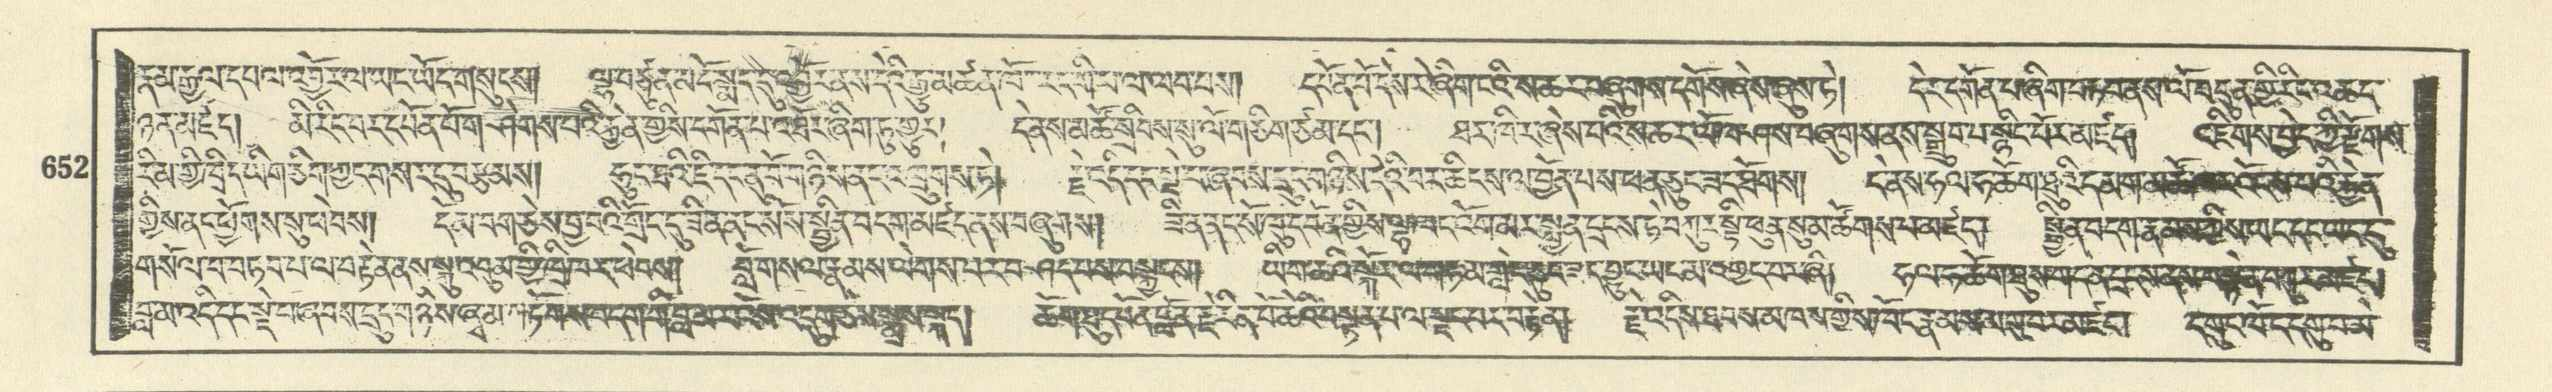རྣམ་རྒྱལ་དཔལ་འབྱོར་ལ་ཡང་ཡོད་གསུངས། ལྷ་བཙུན་མདོ་སྨད་དུ་འབྱོར་ནས་དེའི་རྒྱུ་མཚན་ཁོ་རང་གི་ཕ་ལ་ལབ་པས། དཔོན་པོ་དེས་རེ་ཞིག་ངའི་ས་ཆར་བཞུགས་དགོས་ཞེས་ཞུས་ཏེ། དེར་དགོན་པ་ཞིག་བཏབ་ནས་ལོ་བདུན་གྱི་རིང་འཆད་
ཉན་མཛད། མི་རིང་བར་དཔོན་པོ་གཤེགས་པའི་རྐྱེན་གྱིས་དགོན་པ་འཐོར་ཞིག་ཏུ་གྱུར། དེ་ནས་མཚོ་སྲིབས་སུ་ལོ་གཅིག་ཙམ་དང་། ཐར་ཁིར་ཞེས་པའི་ས་ཆར་ལོ་ཁ་ཤས་བཞུགས་ནས་སྒྲུབ་པ་སྙིང་བོར་མཛད། འཇིགས་བྱེད་ཀྱི་རྫོགས་
རིམ་གྱི་ཁྲིད་ཡིག་ཅིག་ཀྱང་གསར་དུ་བརྩམས། ཧུང་ཐའི་ཇི་དང་ནུ་བོ་གཉིས་ནང་འཁྲུགས་ཏེ། རྗེ་འདི་དང་སྡེ་བ་ཞབས་དྲུང་གཉིས་དེའི་བར་ཆིངས་ལ་བྱོན་པས་ཕན་ཅུང་ཟད་ཐོགས། དེ་ནས་ཧལ་ཧ་ཆོག་ཐུའི་དམག་མཚོ་ཁར་འོངས་པའི་རྐྱེན་
གྱིས་ནང་ཕྱོགས་སུ་ཕེབས། དོམ་བག་ཅེས་བྱ་བའི་གྲོང་དུ་ཟིན་ནང་སོས་སྦྱིན་བདག་མཛད་ནས་བཞུགས། ཟིན་ནང་སོ་ཁུ་དབོན་གྱིས་ལྷ་ཁང་འོག་མར་སྤྱན་དྲངས་ཏེ་བཀུར་སྟི་ཕུན་སུམ་ཚོགས་པ་མཛད། སྦྱིན་བདག་རྣམས་ཀྱིས་ཡང་དང་ཡང་དུ་
གསོལ་བ་བཏབ་པ་ལ་བརྟེན་ནས་སྐུ་འབུམ་གྱི་ཁྲི་ཁར་ཕེབས། བློ་གསལ་རྣམས་ལེགས་པར་བཤད་པས་བསྐྱངས། ཡིག་ཆའི་སྐོར་ལ་གཏམ་གླེང་ཅུང་ཟད་བྱུང་ཡང་མ་འགྱད་བར་ཞི། ཧལ་ཧ་ཆོག་ཐུས་གདན་དྲངས་ནས་བསྙེན་བཀུར་མཛད།
བླ་མ་འདི་དང་སྡེ་པ་ཞབས་དྲུང་གཉིས་ཞྭ་མ་གཏོགས་བདག་གི་བླ་མར་འོས་འདུག་ཅེས་སྨྲས་སྐད། ཆོག་ཐུ་དཔོན་བློན་རྗེ་རིན་པོ་ཆེའི་བསྟན་པ་ལ་སྡང་བར་བརྟེན། རྗེ་འདིས་ཐབས་མཁས་གྱིས་ཁོང་རྣམས་མགུ་བར་མཛད། དགུང་ལོ་ང་དགུ་པ་མེ་